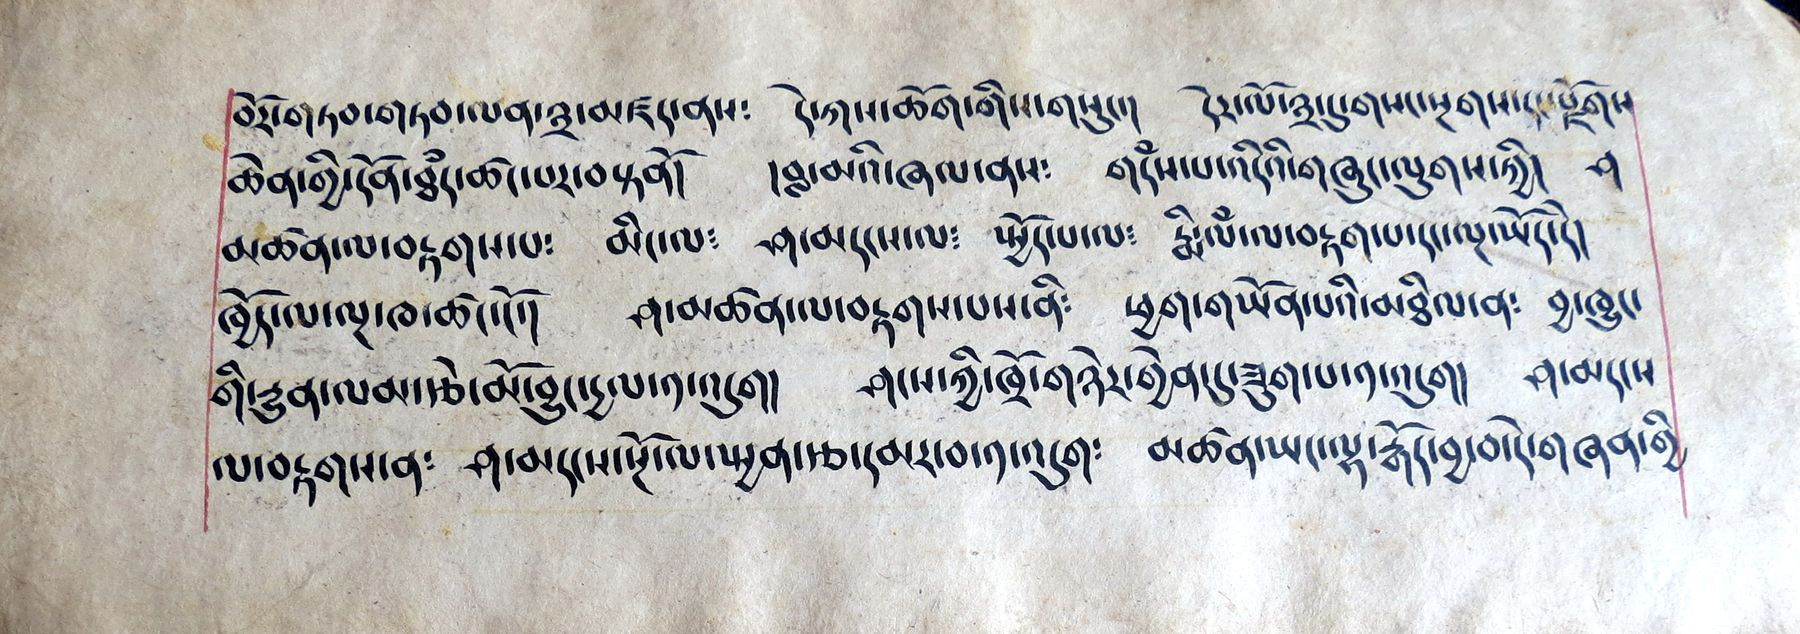བོར་བཏབ་བཏབ་ལན་གསུམ་མཛད་ནས། དེ་ཀས་ཆོག་གིས་གསུངས། དེར་ལོ་གསུམ་དུ་གསང་སྔགས་དང་རྫོགས་
ཆེན་གྱི་དོན་ཐམས་ཅད་ཚང་བར་བསྟན་ནོ། །བླ་མའི་ཞལ་ནས་གདམས་པ་འདི་ཡི་གཞུང་ལུགས་ཀྱིས། ཤ་
མཚན་ལ་བརྟག་པ། མིང་ལ་བརྟག་པ། ཤ་མདངས་ལ་བརྟགས་པ། སྤྱོད་པ་ལ་བརྟག་པ། རྨི་ལམ་ལ་བརྟག་པ་དང་ལྔ་ཡོད་དེ། 
ཁྱོད་ལ་ལྔ་ག་ཚང་ངོ། །ཤ་མཚན་ལ་བརྟག་པས་ནི། ཕྱག་གཡོན་པའི་མཐིལ་ན་བྱ་ཁྱུང་
གི་རྒྱུན་ལམ་རྩེ་མོ་བྱུང་རྒྱལ་ཅིག་འདུག ཤངས་ཀྱི་ཁྲོ་གཉེར་གྱེན་ལ་ཟུག་པ་ཞིག་འདུག ཤ་མདངས་
ལ་བརྟགས་ན། ཤ་མདངས་སྔོ་ལ་སྤྱན་རྩ་དམར་བ་ཅིག་འདུག མཚན་ཡང་ལྷ་རྒོད་བྱ་བ་དེ་གཞན་གྱི་